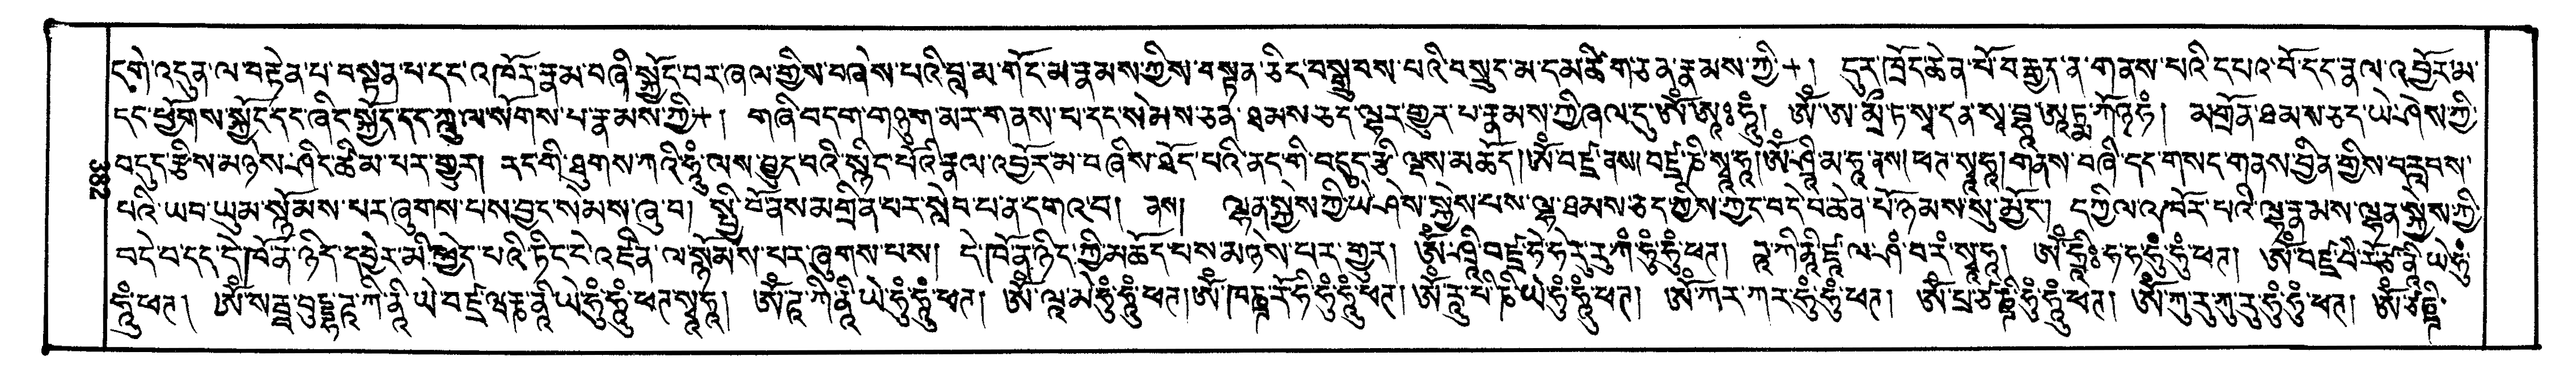དགེ་འདུན་ལ་བརྟེན་པ་བསྟན་པ་དང་འཁོར་རྣམ་བཞི་སྐྱོང་བར་ཞལ་གྱིས་བཞེས་པའི་བླ་མ་གོང་མ་རྣམས་ཀྱིས་བསྟན་ཅིང་བསྒྲུབས་པའི་བསྲུང་མ་དམ་ཚིག་ཅན་རྣམས་ཀྱི། དུར་ཁྲོད་ཆེན་པོ་བརྒྱད་ན་གནས་པའི་དཔའ་བོ་དང་རྣལ་འབྱོར་མ་
དང་ཕྱོགས་སྐྱོང་དང་ཞིང་སྐྱོང་དང་ཀླུ་ལ་སོགས་པ་རྣམས་ཀྱི། གཞི་བདག་གཉུག་མར་གནས་པ་དང་སེམས་ཅན་ཐམས་ཅད་ལྷར་གྱུར་པ་རྣམས་ཀྱི་ཞལ་དུ་ཨོཾ་ཨཱཿ ཧཱུཾ། ཨོཾ་ཨ་མྲྀ་ཏ་སྭ་ད་ན་སྭ་བྷཱ་ཨའྟྨ་ཀོཉྷཾ། མགྲོན་ཐམས་ཅད་ཡེ་ཤེས་ཀྱི་
བདུད་རྩིས་མཉེས་ཤིང་ཚིམ་པར་གྱུར། རང་གི་ཐུགས་ཀའི་ཧཱུཾ་ལས་བྱུང་བའི་སྙིང་པོའི་རྣལ་འབྱོར་མ་བཞིས་ཐོད་པའི་ནད་གི་བདུད་རྩི་ལྔས་མཆོད། ཨོཾ་བཛྲ་ནས། བཛྲ་ཎི་སྭཱ་ཧཱ། ཨོཾ་ཤྲཱི་མ་ཧཱ་ནས། ཕཊ་སྭཱ་ཧཱ། གནས་བཞི་དང་གསང་གནས་བྱིན་གྱིས་བརླབས་
པའི་ཡབ་ཡུམ་སྙོམས་པར་ཞུགས་པས་བྱང་སེམས་ཞུ་བ། སྤྱི་བོ་ནས་མགྲིན་པར་སླེབ་པ་ན་དགའ་པ། ནས། ལྷན་སྐྱས་ཀྱི་ཡེ་ཤེས་སྐྱེས་པས་ལྷ་ཐམས་ཅད་ཀྱིས་ཀྱང་བདེ་བ་ཆེན་པོ་ཉམས་སུ་མྱོང་། དཀྱིལ་འཁོར་པའི་ལྷ་རྣམས་ལྷན་སྐྱེས་ཀྱི་
བདེ་བ་དང་དེ་ཁོ་ན་ཉིད་དབྱེར་མི་ཕྱེད་པའི་ཏིང་ངེ་འཛིན་ལ་སྙོམས་པར་ཞུགས་པས། དེ་ཁོ་ན་ཉིད་ཀྱི་མཆོད་པས་མཉེས་པར་གྱུར། ཨོཾ་ཤྲཱི་བཛྲ་ཧེ་ཧེ་རུ་རུ་ཀཾ་ཧུཾ་ཧཱུཾ་ཕཊ། ཌཱ་ཀི་ནཱི་ཛཱ་ལ་ཤཾ་བ་རཾ་སྭཱ་ཧཱ། ཨོཾ་ཧྲཱིཿ ཧ་ཧ་ཧུཾ་ཧཱུཾ་ཕཊ། ཨོཾ་བཛྲ་བཻ་རོ་ཙ་ནཱི་ཡེ་ཧུཾ་
ཧཱུཾ་ཕཊ། ཨོཾ་སརྦྦ་བུདྡྷ་ཌཱ་ཀི་ནཱི་ཡེ་བཛྲ་ཝརྞ་ནཱི་ཡེ་ཧུཾ་ཧཱུཾ་ཕཊ་སྭཱ་ཧཱ། ཨོཾ་ཌཱ་ཀི་ནཱི་ཡེ་ཧུཾ་ཧཱུཾ་ཕཊ། ཨོཾ་ལཱ་མེ་ཧུཾ་ཧཱུཾ་ཕཊ། ཨོཾ་ཁཎྜ་རོ་ཧི་ཧུཾ་ཧཱུཾ་ཕཊ། ཨོཾ་རཱུ་པི་ཎི་ཡེ་ཧུཾ་ཧཱུཾ་ཕཊ། ཨོཾ་ཀ་ར་ཀ་ར་ཧུཾ་ཧུཾ་ཕཊ། ཨོཾ་ཀུ་རུ་ཀུ་རུ་ཧུཾ་ཧཱུཾ་ཕཊ། ཨོཾ་ཙཎྜི་